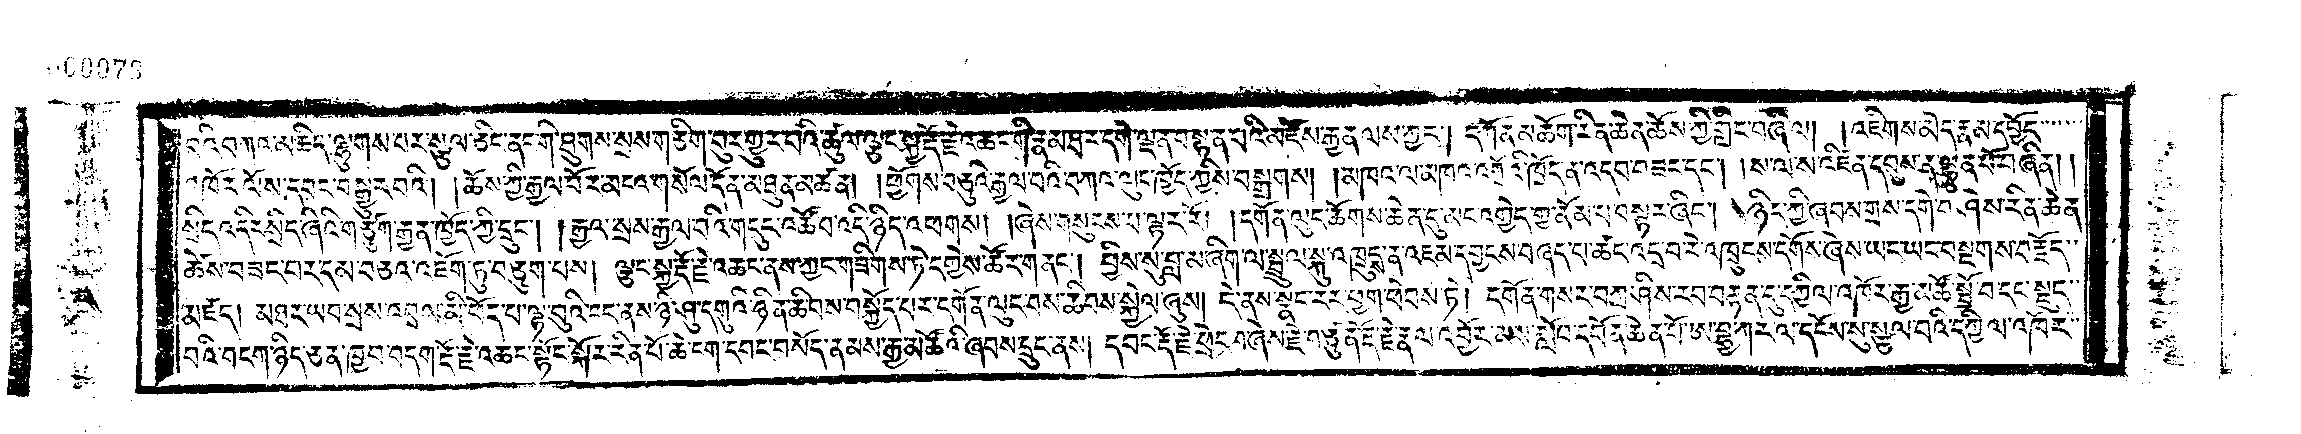པའི་བཀའ་མཆིད་ལྷུགས་པར་སྩལ་ཅིང་ནང་གི་ཐུགས་སྲས་གཅིག་པུར་གྱུར་པའི་ཚུལ་ལྕང་སྐྱ་རྡོ་རྗེ་འཆང་གི་རྣམ་ཐར་དགེ་ལྡན་བསྟན་པའི་མཛེས་རྒྱན་ལས་ཀྱང་། དཀོན་མཆོག་རིན་ཆེན་ཆོས་ཀྱི་གླིང་བཞི་ལ། །འཇིགས་མེད་རྣམ་དཔྱོད་
འཁོར་ལོས་དབང་བསྒྱུར་བའི། །ཆོས་ཀྱི་རྒྱལ་པོར་མངའ་གསོལ་དོན་མཐུན་མཚན། །ཕྱོགས་བཅུའི་རྒྱལ་བའི་བཀའ་ལུང་ཁྱོད་ཀྱིས་བསྒྲགས། །མཁའ་ལ་མཁའ་འགྲོའི་ཁྲོད་ན་འདབ་བཟང་དང་། །ས་ལས་འཛིན་དབུས་ན་ལྷུན་པོ་བཞིན། །
སྲིད་འདིར་སྲིད་ཞིའི་གཙུག་རྒྱན་ཁྱོད་ཀྱི་དྲུང་། །རྒྱལ་སྲས་རྒྱལ་བའི་གདུང་འཚོ་བ་འདི་ཉིད་འཕགས། །ཞེས་གསུངས་པ་ལྟར་རོ། །དགོན་ལུང་ཚོགས་ཆེན་དུ་མང་འགྱེད་གྱ་ནོམ་པ་བསྟར་ཞིང་། ཉིད་ཀྱི་ཞབས་གྲས་དགེ་བཤེས་རིན་ཆེན་
ཆོས་བཟང་བར་དམ་བཅའ་འཇོག་ཏུ་བཅུག་པས། ལྕང་སྐྱ་རྡོ་རྗེ་འཆང་ནས་ཀྱང་གཟིགས་ཏེ་དགྱེས་ཚོར་གནང་། ཕྱིས་སུ་བླ་མ་ཞིག་ལ་སྤྲུལ་སྐུ་འཁྲུངས་ན་འཇམ་དབྱངས་བཞད་པ་ཚད་འདྲ་བ་རེ་འཁྲུངས་དགོས་ཞེས་ཡང་ཡང་བསྔགས་བརྗོད་
མཛད། མཐའ་ཡབ་སྲས་འབྲལ་མི་ཕོད་པ་ལྟ་བུའི་ངང་ནས་ཉི་ཤུ་དགུའི་ཉིན་ཆིབས་བསྐྱོད་པར་དགོན་ལུང་པས་ཆིབས་སྐྱེལ་ཞུས། དེ་ནས་སྣང་རར་ཕྱག་ཕེབས་ཏེ། དགོན་གསར་བཀྲ་ཤིས་རབ་བརྟན་དུ་དཀྱིལ་འཁོར་རྒྱ་མཚོ་སྤྲོ་བ་དང་སྡུད་
བའི་བདག་ཉིད་ཅན་ཁྱབ་བདག་རྡོ་རྗེ་འཆང་སྟོང་སྐོར་རིན་པོ་ཆེ་ངག་དབང་བསོད་ནམས་རྒྱ་མཚོའི་ཞབས་དྲུང་ནས། དབང་རྡོ་རྗེ་ཕྲེང་བཞེས་རྗེ་བཙུན་རྡོ་རྗེ་རྣལ་འབྱོར་མས་སློབ་དཔོན་ཆེན་པོ་ཨ་བྷྱ་ཀར་ལ་དངོས་སུ་སྩལ་པའི་དཀྱིལ་འཁོར་